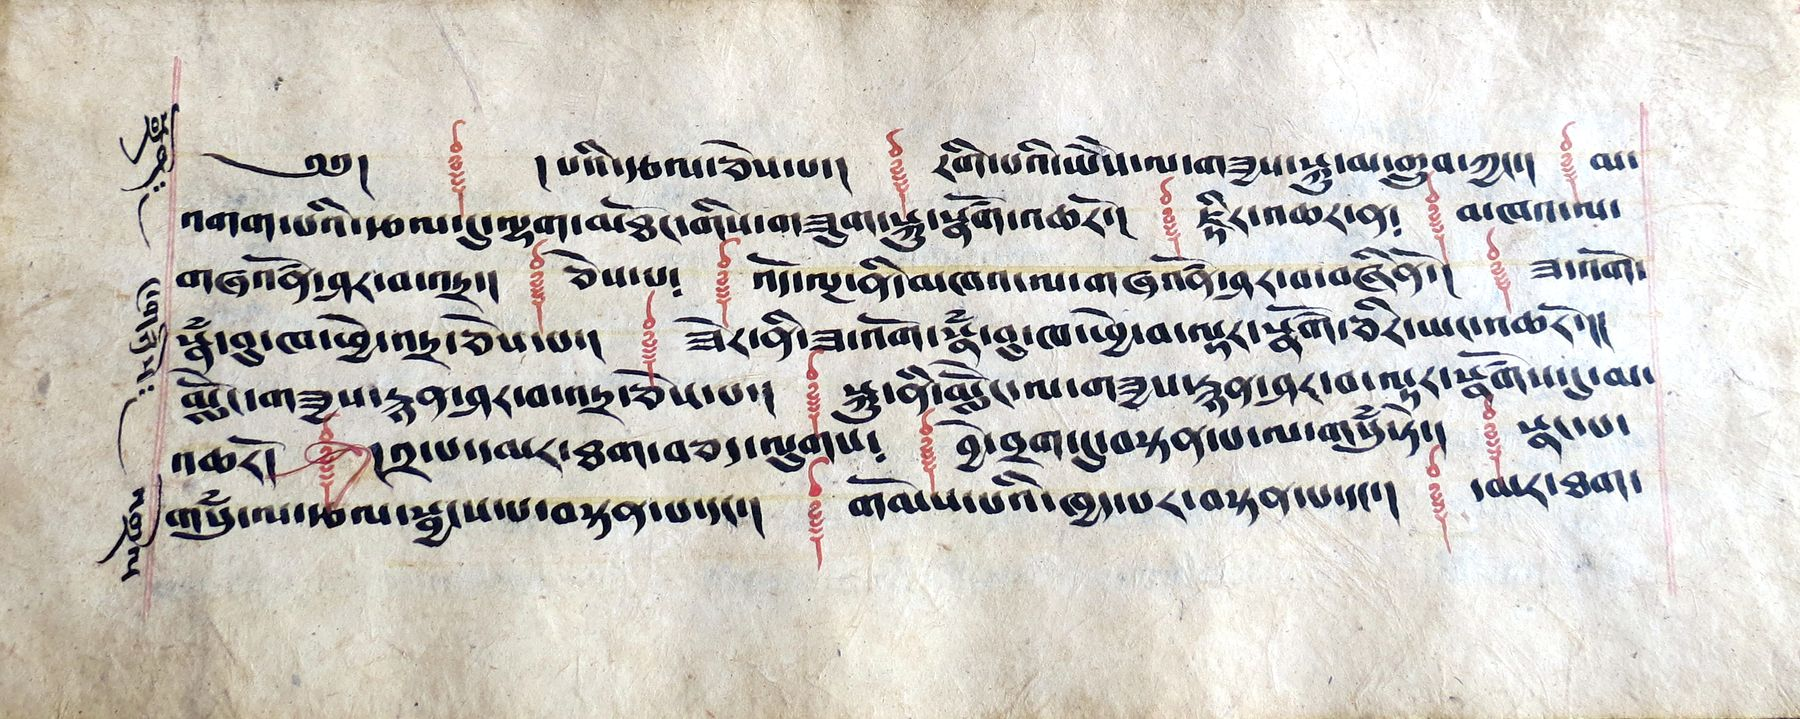པའི་རྩལ། །ཞེས་པས། རིག་པའི་ཡེ་ཤེས་ལ་གཟུགས་སྐུ་མ་གྲུབ་ཀྱང་། མ་
འགག་པའི་རྩལ་དུ་ལྷག་མཐོང་གི་གཟུགས་སུ་སྣ་ཚོགས་འཆར་རོ། །ཇི་ལྟར་འཆར་ན། མཁའ་ལ་
གཞའ་ཚོན་ཤར་བ་འདྲ་ཞེས་པས། འོད་ལྔ་ནི་ནམ་མཁའ་ལ་གཞའ་ཚོན་ཤར་བ་བཞིན་ནོ། །ཟ་འོག་
སྣམ་བུ་ཁ་ཕྱེ་འདྲ། །ཞེས་པས། ཟེར་ནི་ཟ་འོག་སྣམ་བུ་ཁ་ཕྱེ་བ་ལྟར་སྣ་ཚོགས་ཅི་ཡང་འཆར་རོ། །
མེ་ལོང་གཟུགས་བརྙན་ཤར་བ་འདྲ། །ཞེས་པས། སྐུ་ནི་མེ་ལོང་ལ་གཟུགས་བརྙན་ཤར་བ་ལྟར་སྣ་ཚོགས་དུ་མ་
འཆར་རོ། །གཉིས་པ་དམར་ཐག་བཅད་ལུགས་བྱེ་བྲག་ཏུ་བསྟན་པ་ལ་གསུམ་སྟེ། སྣང་བ་
གསུམ་ལ་རྩལ་སྦྱང་པ་བསྟན་པ་དང་། གོམས་པའི་ཁྱད་པར་བསྟན་པ་དང་། དམར་ཐག་